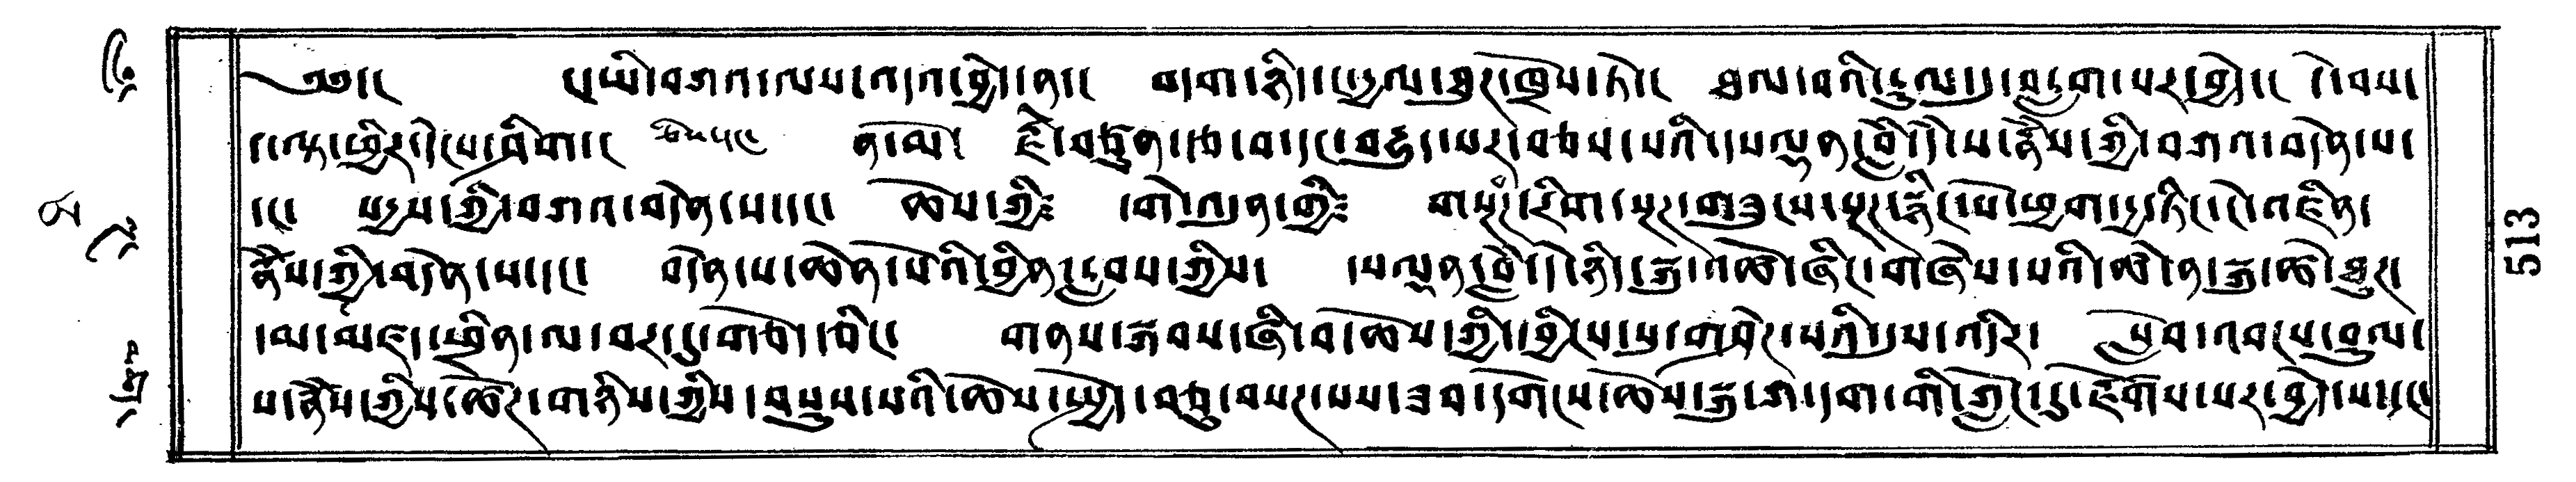ང་ཡི་བཀའ་ལས་འདའ་བྱེད་ན༔ བདག་ཉིད་ང་རྒྱལ་ཐུགས་ཁྲོས་ཏེ༔ ཐལ་བའི་རྡུལ་དུ་བརླག་པར་བྱེད༔ དེ་བས་
ད་ལྟ་ཕྱིར་དེངས་ཤིག༔ ཅེས་དང་། ན་མོ། རྗེ་བཙུན་རྩ་བ་དང་བརྒྱུད་པར་བཅས་པའི་དཔལ་ལྡན་བླ་མ་དམ་པ་རྣམས་ཀྱི་བཀའ་བདེན་པ་
དང་། སངས་རྒྱས་ཀྱི་བཀའ་བདེན་པ་དང་། ཆོས་ཀྱི༴ དགེ་འདུན་གྱི༴ གསང་སྔགས་རིག་སྔགས་གཟུངས་སྔགས་སྙིང་པོ་ཕྱག་རྒྱ་ཏིང་ངེ་འཛིན་
རྣམས་ཀྱི་བདེན་པ་དང་། བདེན་པ་ཆེན་པོའི་བྱིན་རླབས་ཀྱིས།དཔལ་ལྡན་བླ་མ་དེ་ཉིད་སྐུ་འཚོ་ཞིང་གཞོས་པའི་ཚེ་ན་སྐུ་ཚེ་ཐུགས་
དམ་མཛད་ཕྲིན་ལ་བར་དུ་གཅོད་ཅིང་། གནས་སྐབས་ཞི་བ་ཆོས་ཀྱི་དབྱིངས་སུ་གཤེགས་པའི་དུས་འདིར། སློབ་འབངས་ཤུལ་
པ་རྣམས་ཀྱིས་ཚོགས་གཉིས་ཀྱིས་བསྡུས་པའི་ཆོས་སྤྱོད་བཅུ་བསགས་པས་ཟབ་དགོངས་ཆོས་སྐུ་ཀ་དག་གི་ཀློང་དུ་རྫོགས་པར་བྱེད་པ་དང་།